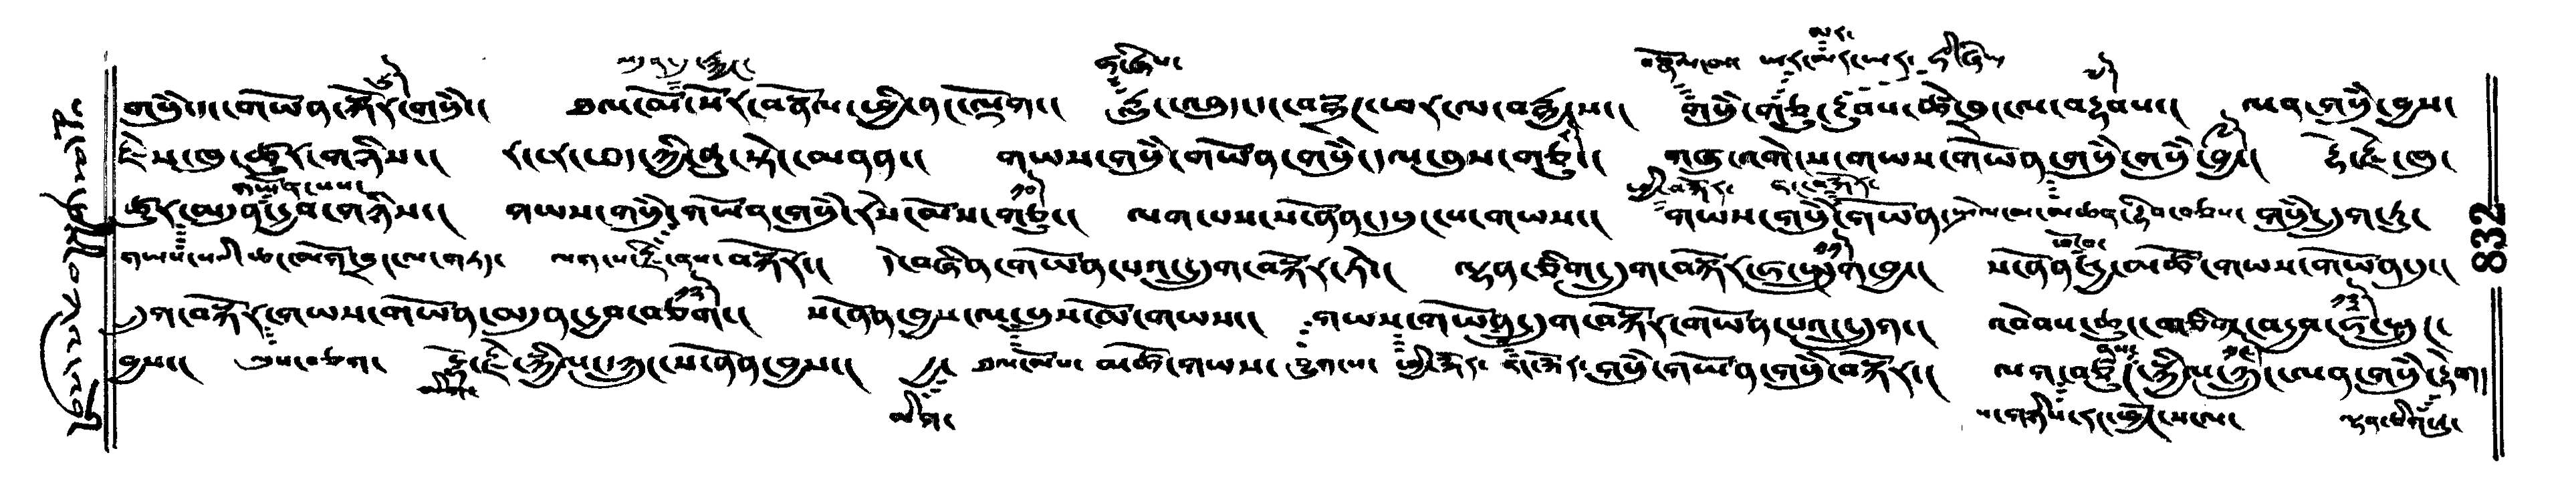གསུམ་དང་གཡོན་སྐོར་གསུམ། །ཐལ་མོ་སོར་བསྣོལ་ཕྱི་ནང་ལྡོག །རླུང་འབུད་དང་བསྦྲགས་ཕར་ལ་བརྒྱངས། །གསུམ་གཅུ་རྔུབས་ཚེ་བྲང་ལ་བརྡབ། །ལན་གསུམ་བྱས་
རྗེས་ཁུ་ཚུར་གཉིས། །རང་རང་ཐད་ཀྱི་ནུ་སྟེང་མནན། །གཡས་གསུམ་གཡོན་གསུམ་དལ་བུས་གཅུ། །གཞུ་འགེངས་གཡས་གཡོན་གསུམ་གསུམ་བྱ། །རྡོ་རྗེ་ཁུ་
ཚུར་མདུན་རྒྱབ་གཉིས། །གཡས་གསུམ་གཡོན་གསུམ་རེས་མོས་གཅུ། །ལག་པས་ས་ནོན་དཔུང་པ་གཡས། །གཡས་གསུམ་གཡོན་གསུམ་དྲུག་ཏུ་བསྐོར། །
དེ་བཞིན་གཡོན་པའང་དྲུག་བསྐོར་ཏེ། །ལྷན་ཅིག་དྲུག་བསྐོར་ཧ་སྤྲུག་བྱ། །ས་ནོན་རྒྱ་མཚོ་གཡས་གཡོན་དུ། །
དྲུག་བསྐོར་གཡས་གཡོན་མདུན་རྒྱབ་བཅག །ས་གནོན་བྱས་ལ་པུས་མོ་གཡས། །གཡས་གཡོན་དྲུག་བསྐོར་གཡོན་པའང་དྲུག །འབེབས་ཆུང་གཅིག་བརྒྱབ་ཧ་སྤྲུགས་
བྱས། །རྗེ་རྗེ་སྐྱིལ་དཀྲུང་ས་ནོན་བྱས། །རྒྱ་མཚོ་གཡས་གསུམ་གཡོན་གསུམ་བསྐོར། །ལག་བཙུགས་སྐྱིལ་ཀྲུང་ལན་གསུམ་རྡེག